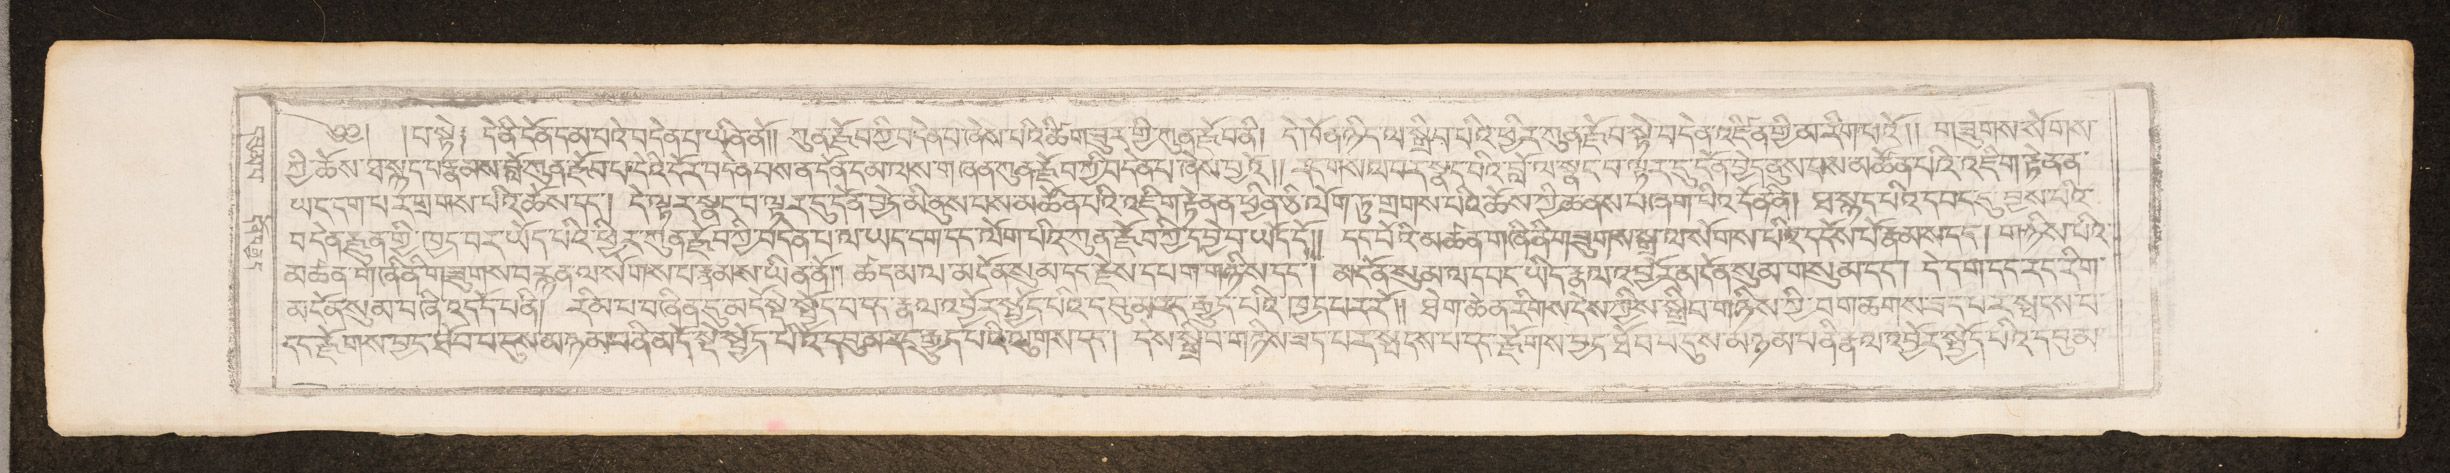༄༅། །པ་སྟེ༑ དེ་ནི་དོན་དམ་བའི་བདེན་པ་ཡིན་ནོ། །ཀུན་རྫོབ་ཀྱི་བདེན་པ་ཞེས་པའི་ཚིག་ཟུར་གྱི་ཀུན་རྫོབ་ནི། དེ་ཁོ་ན་ཉིད་ལ་སྒྲིབ་པའི་ཕྱིར་ཀུན་རྫོབ་སྟེ་བདེན་འཛིན་གྱི་མ་རིག་པའོ། །གཟུགས་སོགས་
ཀྱི་ཆོས་ཐ་སྙད་པ་རྣམས་བློ་ཀུན་རྫོབ་པ་དེའི་དོར་བདེན་པས་ན་དོན་དམ་ལས་གཞན་ཀུན་རྫོབ་ཀྱི་བདེན་པ་ཞེས་བྱའོ། །རང་གསལ་བར་སྣང་བའི་བློ་ལ་སྣང་བ་ལྟར་དུ་དོན་བྱེད་ནུས་པས་མཚོན་པའི་འཇིག་རྟེན་ན་
ཡང་དག་པར་གྲགས་པའི་ཆོས་དང་། དེ་ལྟར་སྣང་བ་ལྟར་དུ་དོན་བྱེད་མི་ནུས་པས་མཚོན་པའི་འཇིག་རྟེན་ན་ཕྱིན་ཅི་ལོག་ཏུ་གྲགས་པའི་ཆོས་ཀྱི་ཆ་ནས་བཞག་པའི་དོན་ནི། ཐ་སྙད་པའི་དབང་དུ་བྱས་པའི་
བདེན་རྫུན་གྱི་ཁྱད་པར་ཡོད་པའི་ཕྱིར་ཀུན་རྫོབ་ཀྱི་བདེན་པ་ལ་ཡང་དག་དང་ལོག་པའི་ཀུན་རྫོབ་ཀྱི་དབྱེ་བ་ཡོད་དོ། །དང་པོའི་མཚན་གཞི་ནི་གཟུགས་སྒྲ་ལ་སོགས་པའི་དངོས་པོ་རྣམས་དང་། གཉིས་པའི་
མཚན་གཞི་ནི་གཟུགས་བརྙན་ལ་སོགས་པ་རྣམས་ཡིན་ནོ།། ཚད་མ་ལ་མངོན་སུམ་དང་རྗེས་དཔག་གཉིས་དང་། མངོན་སུམ་ལ་དབང་ཡིད་རྣལ་འབྱོར་མངོན་སུམ་གསུམ་དང་། དེ་དག་དང་རང་རིག་
མངོན་སུམ་བཞི་འདོད་པ་ནི། རིམ་པ་བཞིན་དུ་མདོ་སྡེ་སྤྱོད་པ་དང་རྣལ་འབྱོར་སྤྱོད་པའི་དབུ་མ་རང་རྒྱུད་པའི་ཁྱད་པར་རོ། །ཐེག་ཆེན་རིགས་དེས་ཀྱིས་སྒྲིབ་གཉིས་ཀྱི་བག་ཆགས་ཟད་པར་སྤངས་པ་
དང་རྫོགས་བྱང་ཐོབ་པ་དུས་མཉམ་བ་ནི་མདོ་སྡེ་སྤྱོད་པའི་དབུ་མ་རང་རྒྱུད་པའི་ལུགས་དང་། དེས་སྒྲིབ་གཉིས་ཟད་པར་སྤངས་པ་དང་རྫོགས་བྱད་ཐོབ་པ་དུས་མཉམ་པ་ནི་རྣལ་འབྱོར་སྤྱོད་པའི་དབུ་མ་